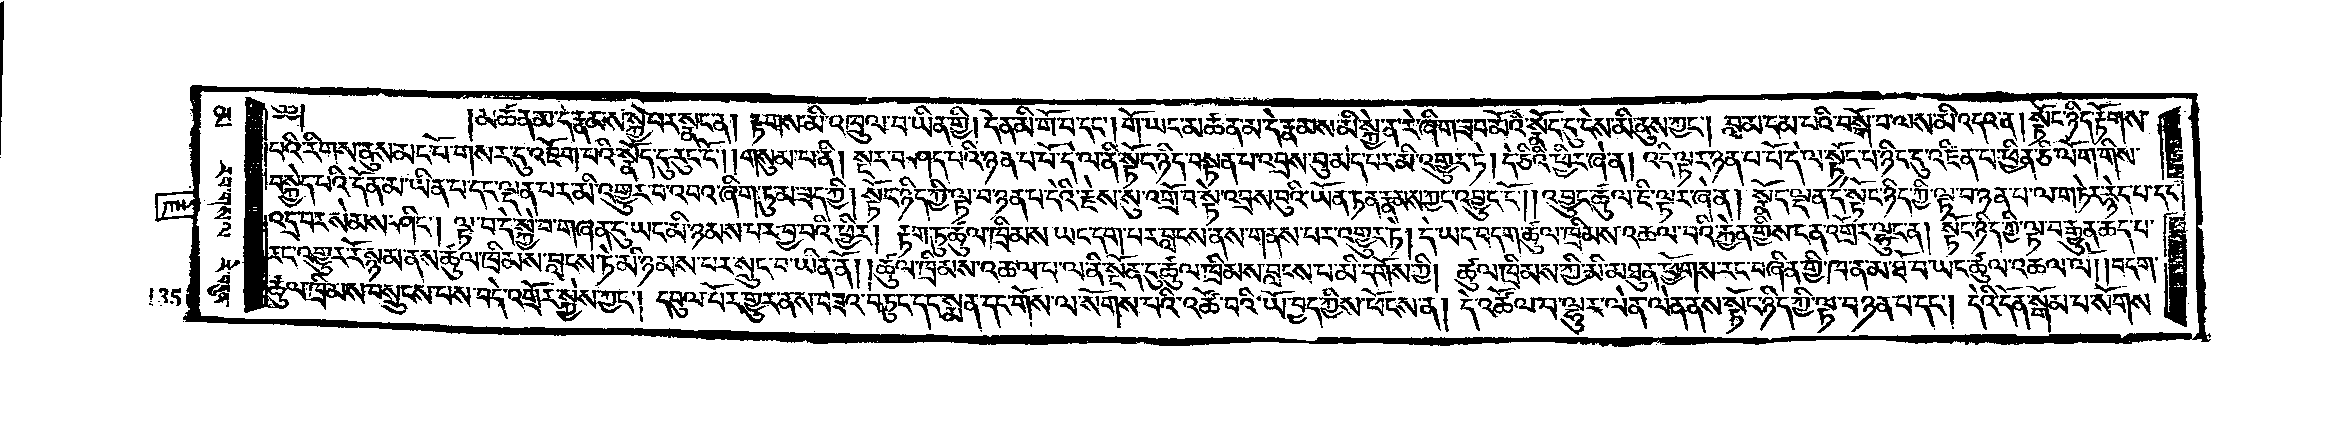༄༅། །མཚན་མ་དེ་རྣམས་སྐྱེ་བར་སྣང་ན། རྟགས་མི་འཁྲུལ་བ་ཡིན་གྱི། དོན་མི་གོ་བ་དང་། གོ་ཡང་མཚན་མ་དེ་རྣམས་མི་སྐྱེ་ན་རེ་ཞིག་ཟབ་མོའི་སྣོད་དུ་ངེས་མི་ནུས་ཀྱང་། བླ་མ་དམ་པའི་བསྒོ་བ་ལས་མི་འདའ་ན། སྟོང་ཉིད་རྟོགས་
པའི་རིགས་ནུས་མང་པོ་གསར་དུ་འཇོག་པའི་སྣོད་དུ་རུང་ངོ། །གསུམ་པ་ནི། སྔར་བཤད་པའི་ཉན་པ་པོ་དེ་ལ་ནི་སྟོང་ཉིད་བསྟན་པ་འབྲས་བུ་མེད་པར་མི་འགྱུར་ཏེ། དེ་ཅིའི་ཕྱིར་ཞེ་ན། འདི་ལྟར་ཉན་པ་པོ་དེ་ལ་སྟོང་པ་ཉིད་དུ་འཛིན་པ་ཕྱིན་ཅི་ལོག་གིས་
བསྐྱེད་པའི་དོན་མ་ཡིན་པ་དང་ལྡན་པར་མི་འགྱུར་བ་འབའ་ཞིག་ཏུ་མ་ཟད་ཀྱི། སྟོང་ཉིད་ཀྱི་ལྟ་བ་ཉན་པ་དེའི་རྗེས་སུ་འགྲོ་བ་སྟེ་འབྲས་བུའི་ཡོན་ཏན་རྣམས་ཀྱང་འབྱུང་ངོ། །འབྱུང་ཚུལ་ཇི་ལྟར་ཞེ་ན། སྣོད་ལྡན་དེ་སྟོང་ཉིད་ཀྱི་ལྟ་བ་ཉན་པ་ལ་གཏེར་རྙེད་པ་དང་
འདྲ་བར་སེམས་ཤིང་། ལྟ་བ་དེ་སྐྱེ་བ་གཞན་དུ་ཡང་མི་ཉམས་པར་བྱ་བའི་ཕྱིར། རྟག་ཏུ་ཚུལ་ཁྲིམས་ཡང་དག་པར་བླངས་ནས་གནས་པར་འགྱུར་ཏེ། དེ་ཡང་བདག་ཚུལ་ཁྲིམས་འཆལ་བའི་རྐྱེན་གྱིས་ངན་འགྲོར་ལྷུང་ན། སྟོང་ཉིད་ཀྱི་ལྟ་བ་རྒྱུན་ཆད་པ་
རང་འགྱུར་རོ་སྙམ་ནས་ཚུལ་ཁྲིམས་བླངས་ཏེ་མི་ཉམས་པར་སྲུང་བ་ཡིན་ནོ། །ཚུལ་ཁྲིམས་འཆལ་པ་ལ་ནི་སྔོན་དུ་ཚུལ་ཁྲིམས་བླངས་པ་མི་དགོས་ཀྱི། ཚུལ་ཁྲིམས་ཀྱི་མི་མཐུན་ཕྱོགས་རང་བཞིན་གྱི་ཁ་ན་མ་ཐོ་བ་ཡང་ཚུལ་འཆལ་ལོ། །བདག་
ཚུལ་ཁྲིམས་བསྲུངས་པས་བདེ་འགྲོར་སྐྱེས་ཀྱང་། དབུལ་པོར་གྱུར་ནས་བཟའ་བཏུང་དང་སྨན་དང་གོས་ལ་སོགས་པའི་འཚོ་བའི་ཡོ་བྱད་ཀྱིས་ཕོངས་ན། དེ་འཚོལ་བ་ལྷུར་ལེན་ནས་སྟོང་ཉིད་ཀྱི་ལྟ་བ་ཉན་པ་དང་། དེའི་དོན་སྒོམ་པ་སོགས་